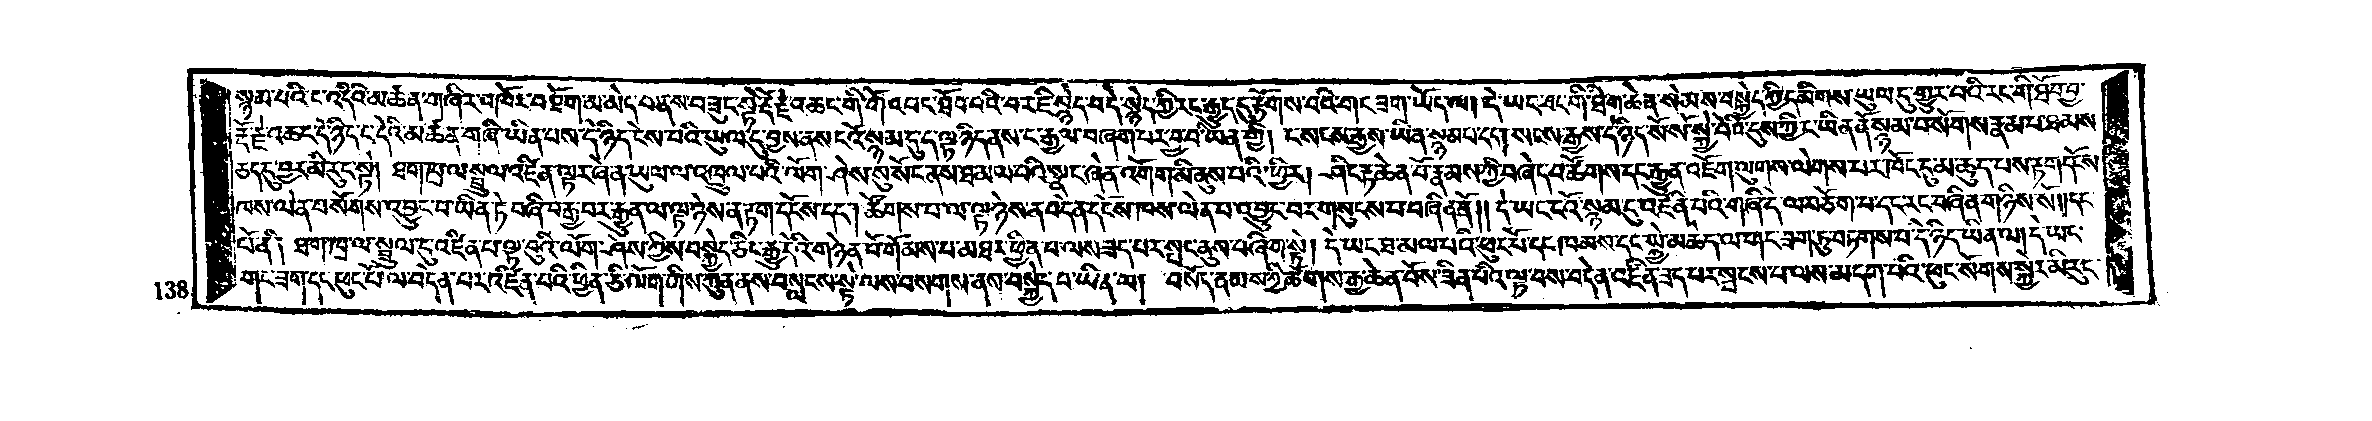སྙམ་པའི་ང་འདིའི་མཚན་གཞིར་འཁོར་བ་ཐོག་མ་མེད་པ་ནས་བཟུང་སྟེ་རྡོ་རྗེ་འཆང་གི་གོ་འཕང་ཐོབ་པའི་བར་ཇི་སྙེད་པ་དེ་སྙེད་ཀྱི་རང་རྒྱུད་དུ་རྟོགས་པའི་གང་ཟག་ཡོད་ལ། དེ་ཡང་ཐང་གི་ཐེག་ཆེན་སེམས་བསྐྱེད་ཀྱི་དམིགས་ཡུལ་དུ་གྱུར་པའི་རང་གི་ཐོབ་བྱ་
རྡོ་རྗེ་འཆང་དེ་ཉིད་ང་དེའི་མཚན་གཞི་ཡིན་པས་དེ་ཉིད་ངེས་པའི་ཡུལ་དུ་བྱས་ནས་ངའོ་སྙམ་དུ་ད་ལྟ་ཉིད་ནས་ང་རྒྱལ་བཞག་པར་བྱ་བ་ཡིན་གྱི། ང་སངས་རྒྱས་ཡིན་སྙམ་པ་དང་། སངས་རྒྱས་དེ་ཉིད་སོ་སོ་སྐྱེ་བོའི་དུས་ཀྱི་ང་ཡིན་ནོ་སྙམ་པ་སོགས་རྣམ་པ་ཐམས་
ཅད་དུ་བྱར་མི་རུང་སྟེ། ཐག་ཁྲ་ལ་སྦྲུལ་འཛིན་ལྟར་ཞེ་ན་ཡུལ་ལ་འཁྲུལ་པའི་ལོག་ཤེས་སུ་སོང་ནས་ཐ་མལ་པའི་སྣང་ཞེན་འགོག་མི་ནུས་པའི་ཕྱིར། ཤིང་རྩ་ཆེན་པོ་རྣམས་ཀྱི་བཞེད་པ་ཚོགས་དང་རྒྱུན་འཇོག་ལུགས་ལེགས་པར་ཁོང་དུ་མ་ཆུད་པས་རྟག་དངོས་
ཁས་ལེན་པ་སོགས་འབྱུང་བ་ཡིན་ཏེ་བཞི་བརྒྱ་པ་རྒྱུན་ལ་ལྟ་ཉེས་ན་རྟག་རྔོས་དང་། ཚོགས་པ་ལ་ལྟ་ཉེས་ན་བདེན་དངོས་ཁས་ལེན་པ་འབྱུང་བར་གསུངས་པ་བཞིན་ནོ། །དེ་ཡང་ངའོ་སྙམ་དུ་འཛིན་པའི་གཞི་དེ་ལ་བཅོག་པ་དང་རང་བཞིན་གཉིས་སོ། །དང་
པོ་ནི། ཐག་ཁྲ་ལ་སྦྲུལ་དུ་འཛིན་པ་ལྟ་བུའི་ལོག་ཤེས་ཀྱིས་བསྐྱེད་ཅིང་རྒྱུ་དེའི་གཉེན་པོ་གོམས་པ་མཐར་ཕྱིན་པ་ལས་ཟད་པར་སྤང་ནུས་པ་ཞིག་སྟེ། དེ་ཡང་ཐ་མལ་པའི་ཕུང་པོ་དང་ཁམས་དང་སྐྱེ་མཆེད་ལ་གང་ཟག་ཏུ་བཏགས་པ་དེ་ཉིད་ཡིན་ལ། དེ་ཡང་
གང་ཟག་དང་ཕུང་པོ་ལ་བདེན་པར་འཛིན་པའི་ཕྱིན་ཅི་ལོག་གིས་ཀུན་ནས་བསླངས་སྟེ་ལས་བསགས་ནས་བསྐྱེད་པ་ཡིན་ལ། བསོད་ནམས་ཀྱི་ཚོགས་རྒྱ་ཆེན་པོས་ཟིན་པའི་ལྟ་བས་བདེན་འཛིན་ཟད་པར་སྤངས་པ་ལས་མ་དག་པའི་ཕུང་སོགས་སྐྱེར་མི་རུང་